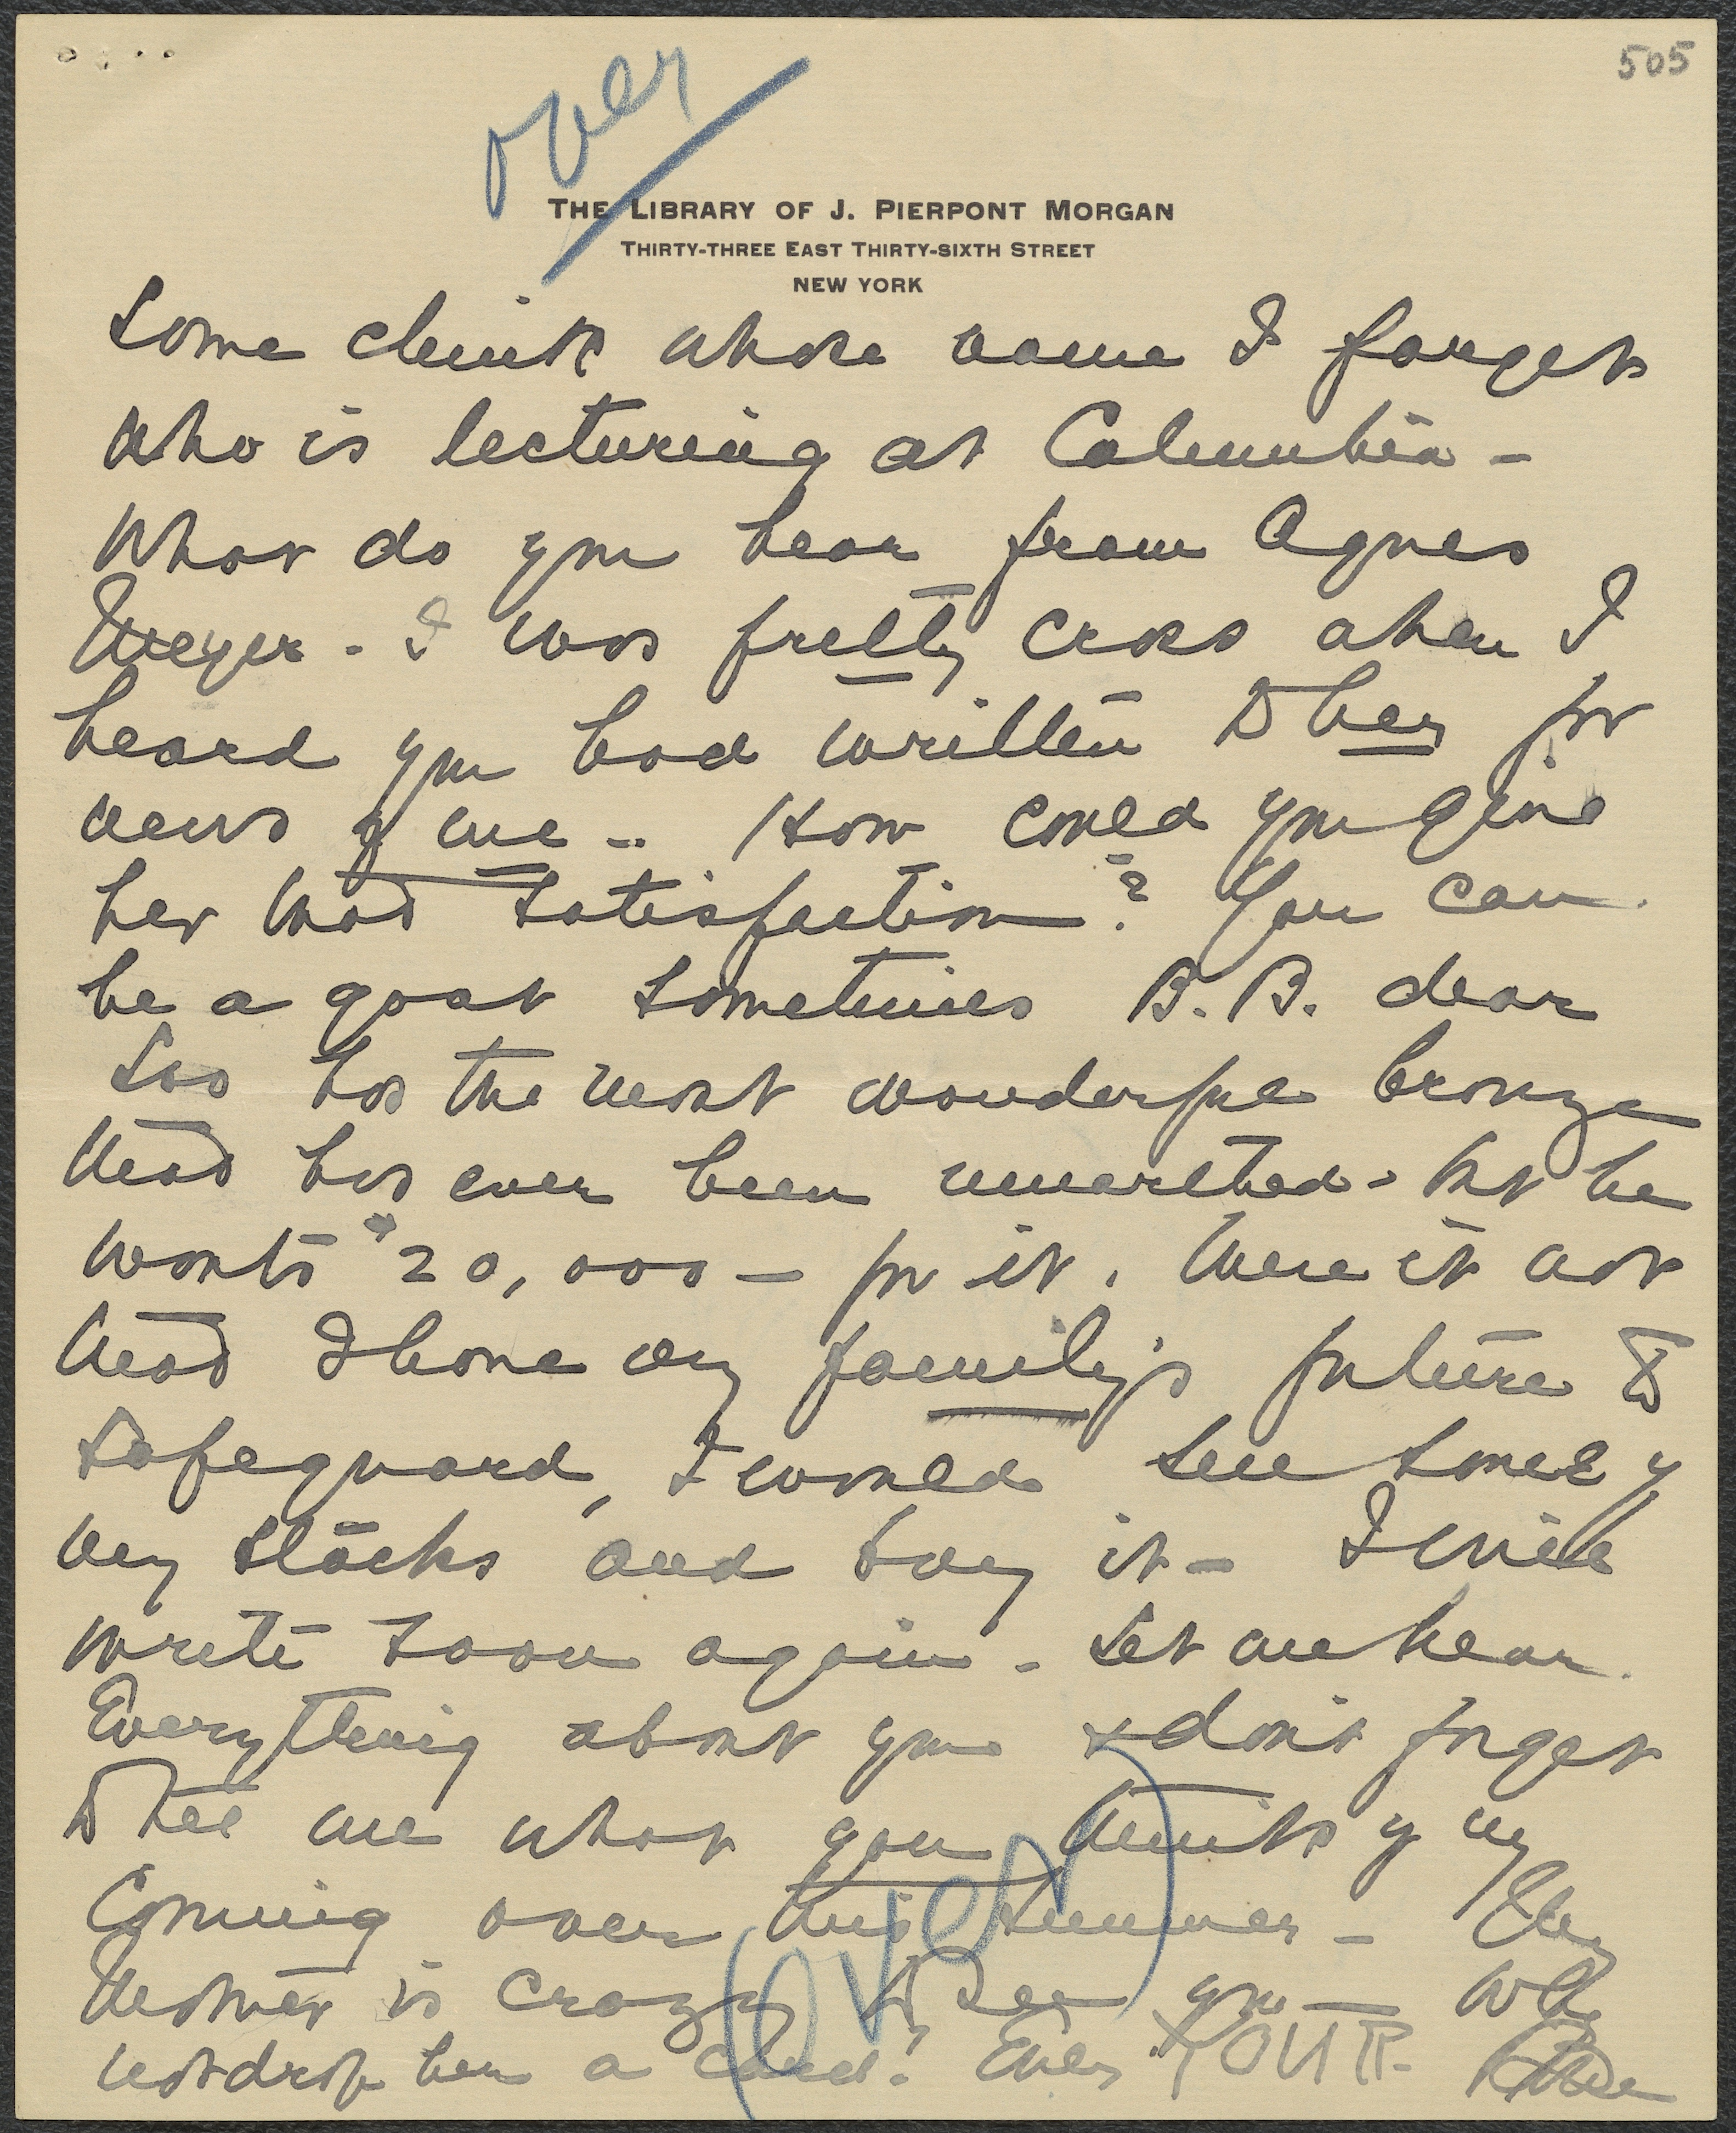[in blue crayon: over]
some chink whose name I forget who is lecturing at Columbia – what do you hear from Agnes Meyer. I was pretty cross when I heard you had written to her for news of me – How could you give her that satisfaction? You can be a goat sometimes B.B. dear
Loo has the most wonderful bronze that has ever been unearthed – but he wants $20,000 – for it. Were is not that I have my family's future to safeguard, I would sell some of my stocks and buy it – I will write soon again – Let me hear everything about you & don't forget to tell me what you think of my coming over this summer – My mother is crazy to see you – Why not drop her a card? Ever [print script: YOUR]. Belle [blue crayon written over the last four lines of the page: (OVER)]